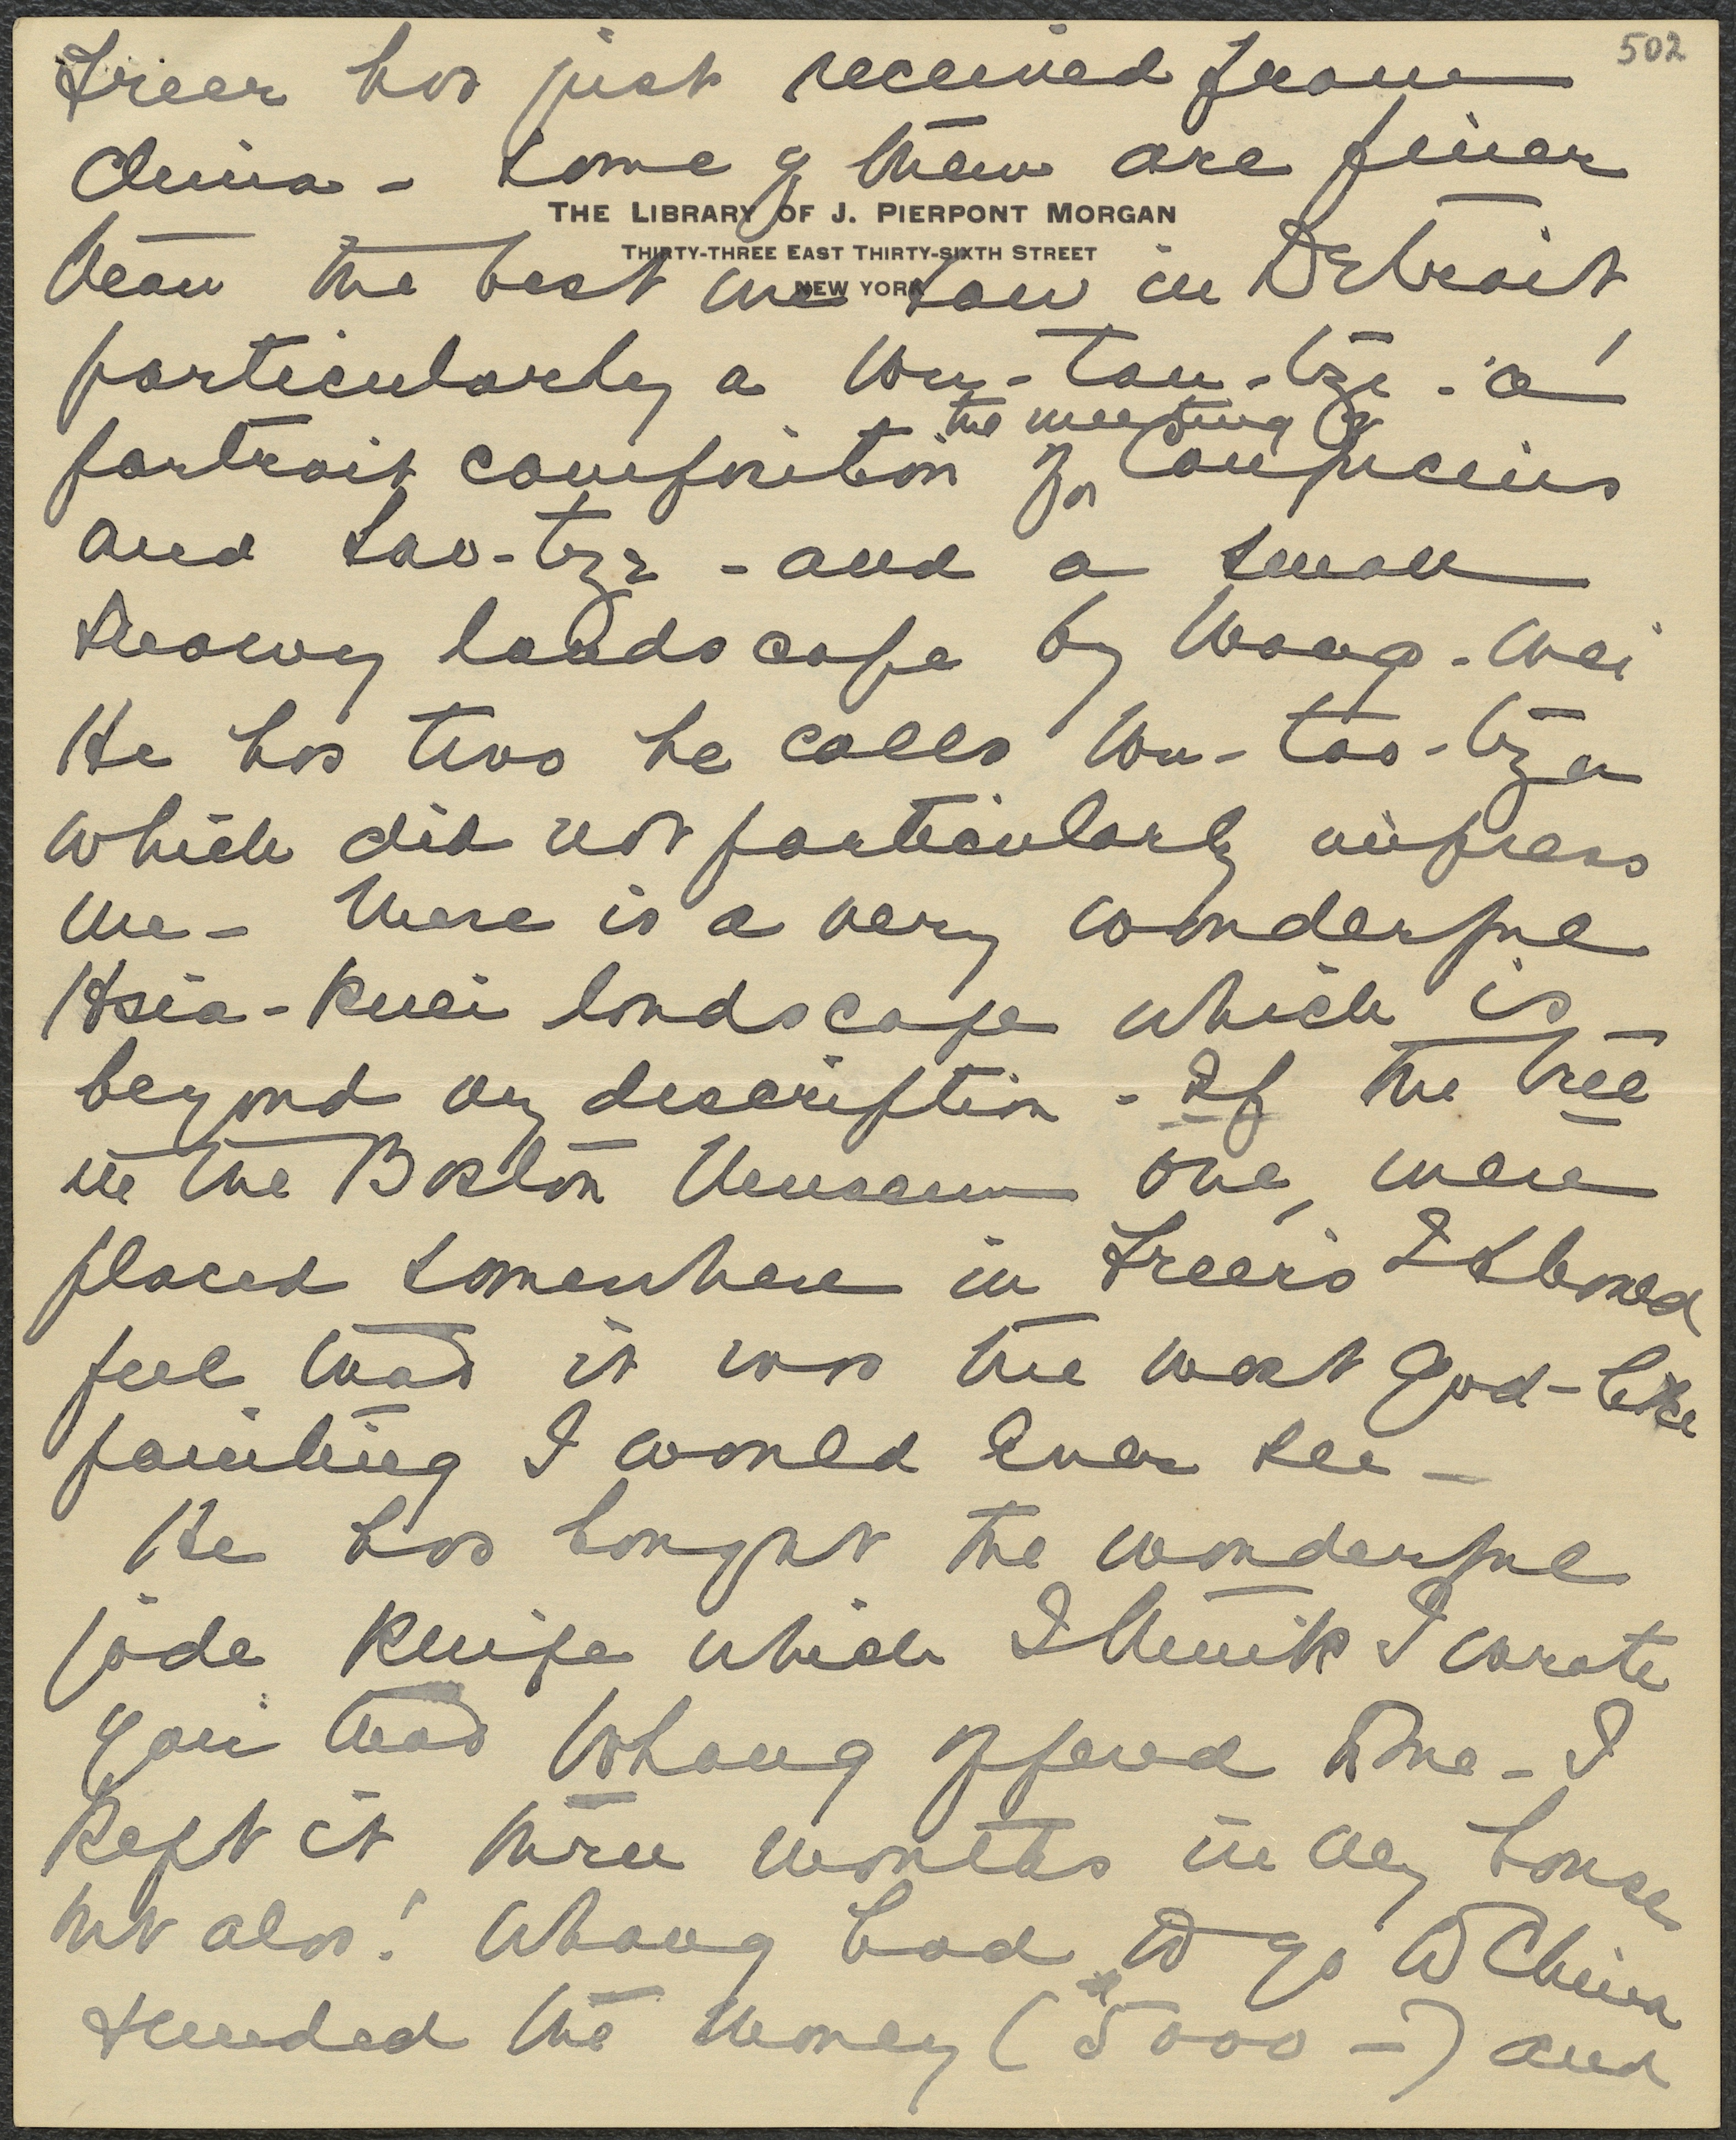Freer has just received from China – some of them are finer than the best we saw in Detroit, particularly a Wu-tan-tze-a portrait composition of [^the meeting of^] Confucius and Lao-tze – and a small snowy landscape by Wang-Wei He has two he calls Wu-too-tzen which did not particularly impress me – there is a very wonderful Hsia-kuei landscape which is beyond any description – If the tree in the Boston Museum one, were placed somewhere in Freer's I should feel that it was the most god-like painting I would ever see –
He has bought the wonderful jade knife which I think I wrote you that Whang offered to me – I kept it three months in my house but alas! Whang had to go to China & needed the money ($5000 –) and